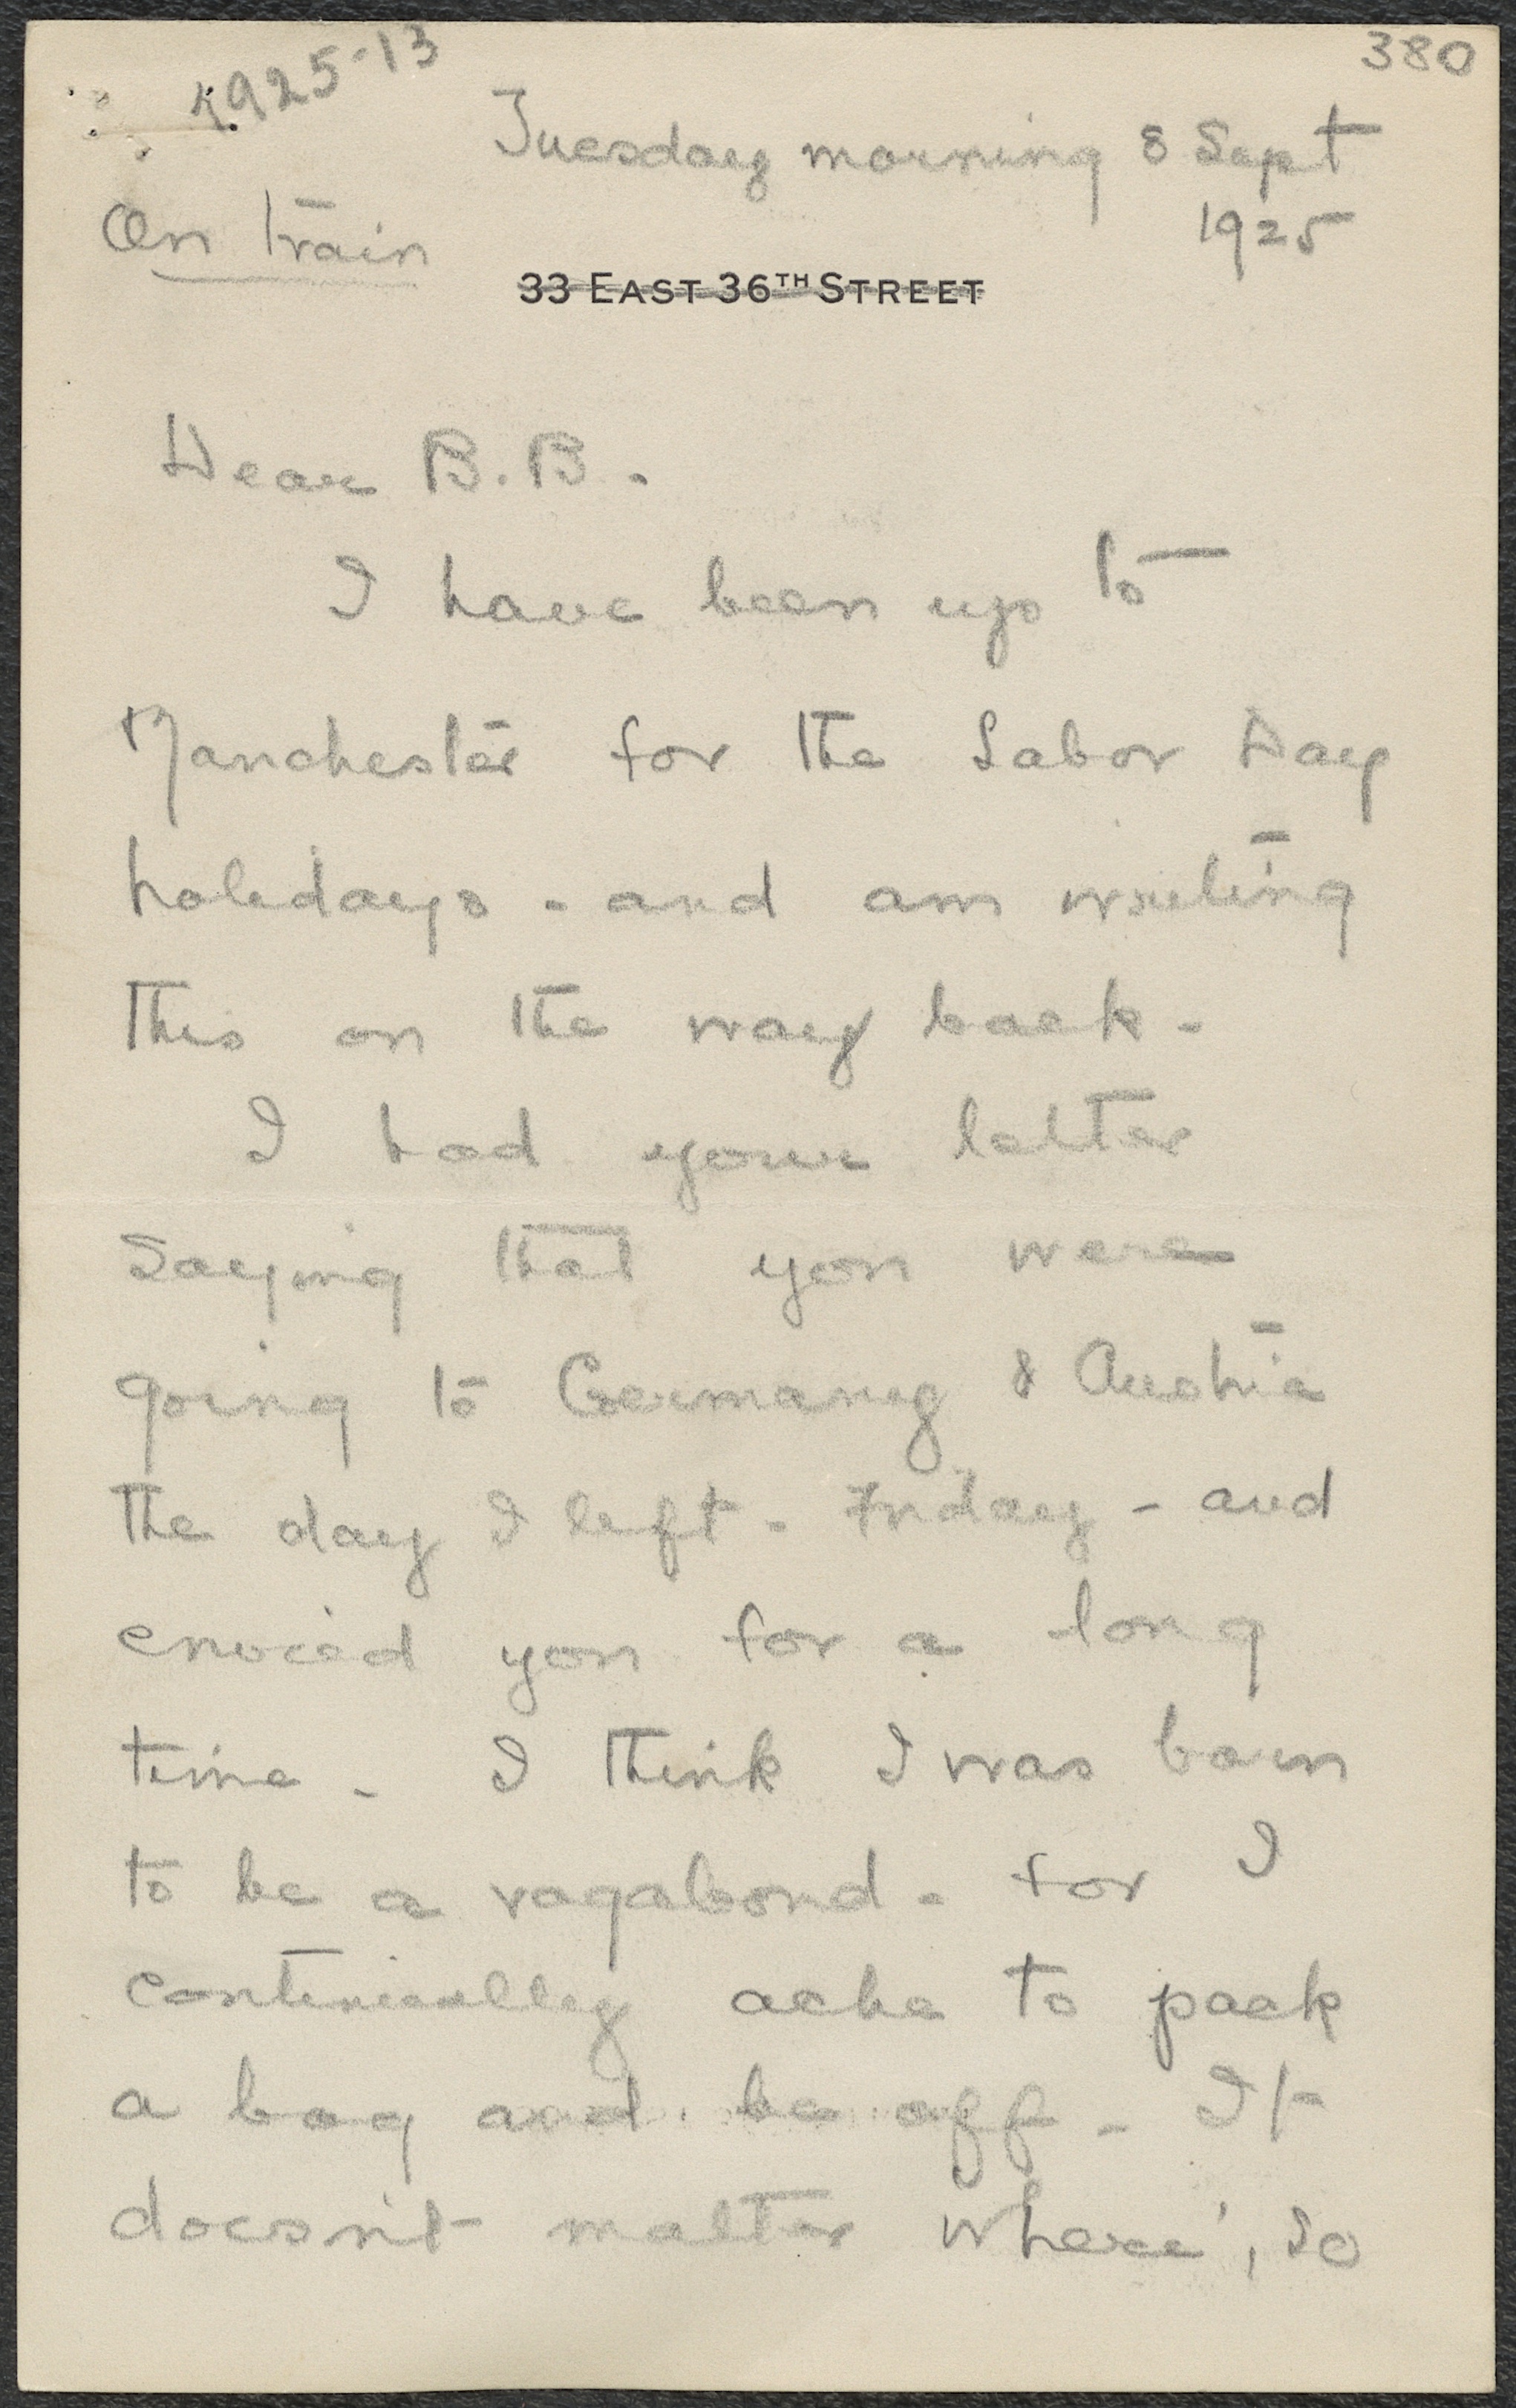[Letter head is crossed out and written on the top left: On train]
Tuesday morning 8 Sept
1925
Dear B.B –
I have been up to Manchester for the Labor Day holidays – and am writing this on the way back.
I had your letter saying that you were going to Germany & Austria the day I left – Friday – and envied you for a long time – I think I was born to be a vagabond – for I continually ache to pack a bag and be off – It doesn’t matter where; so